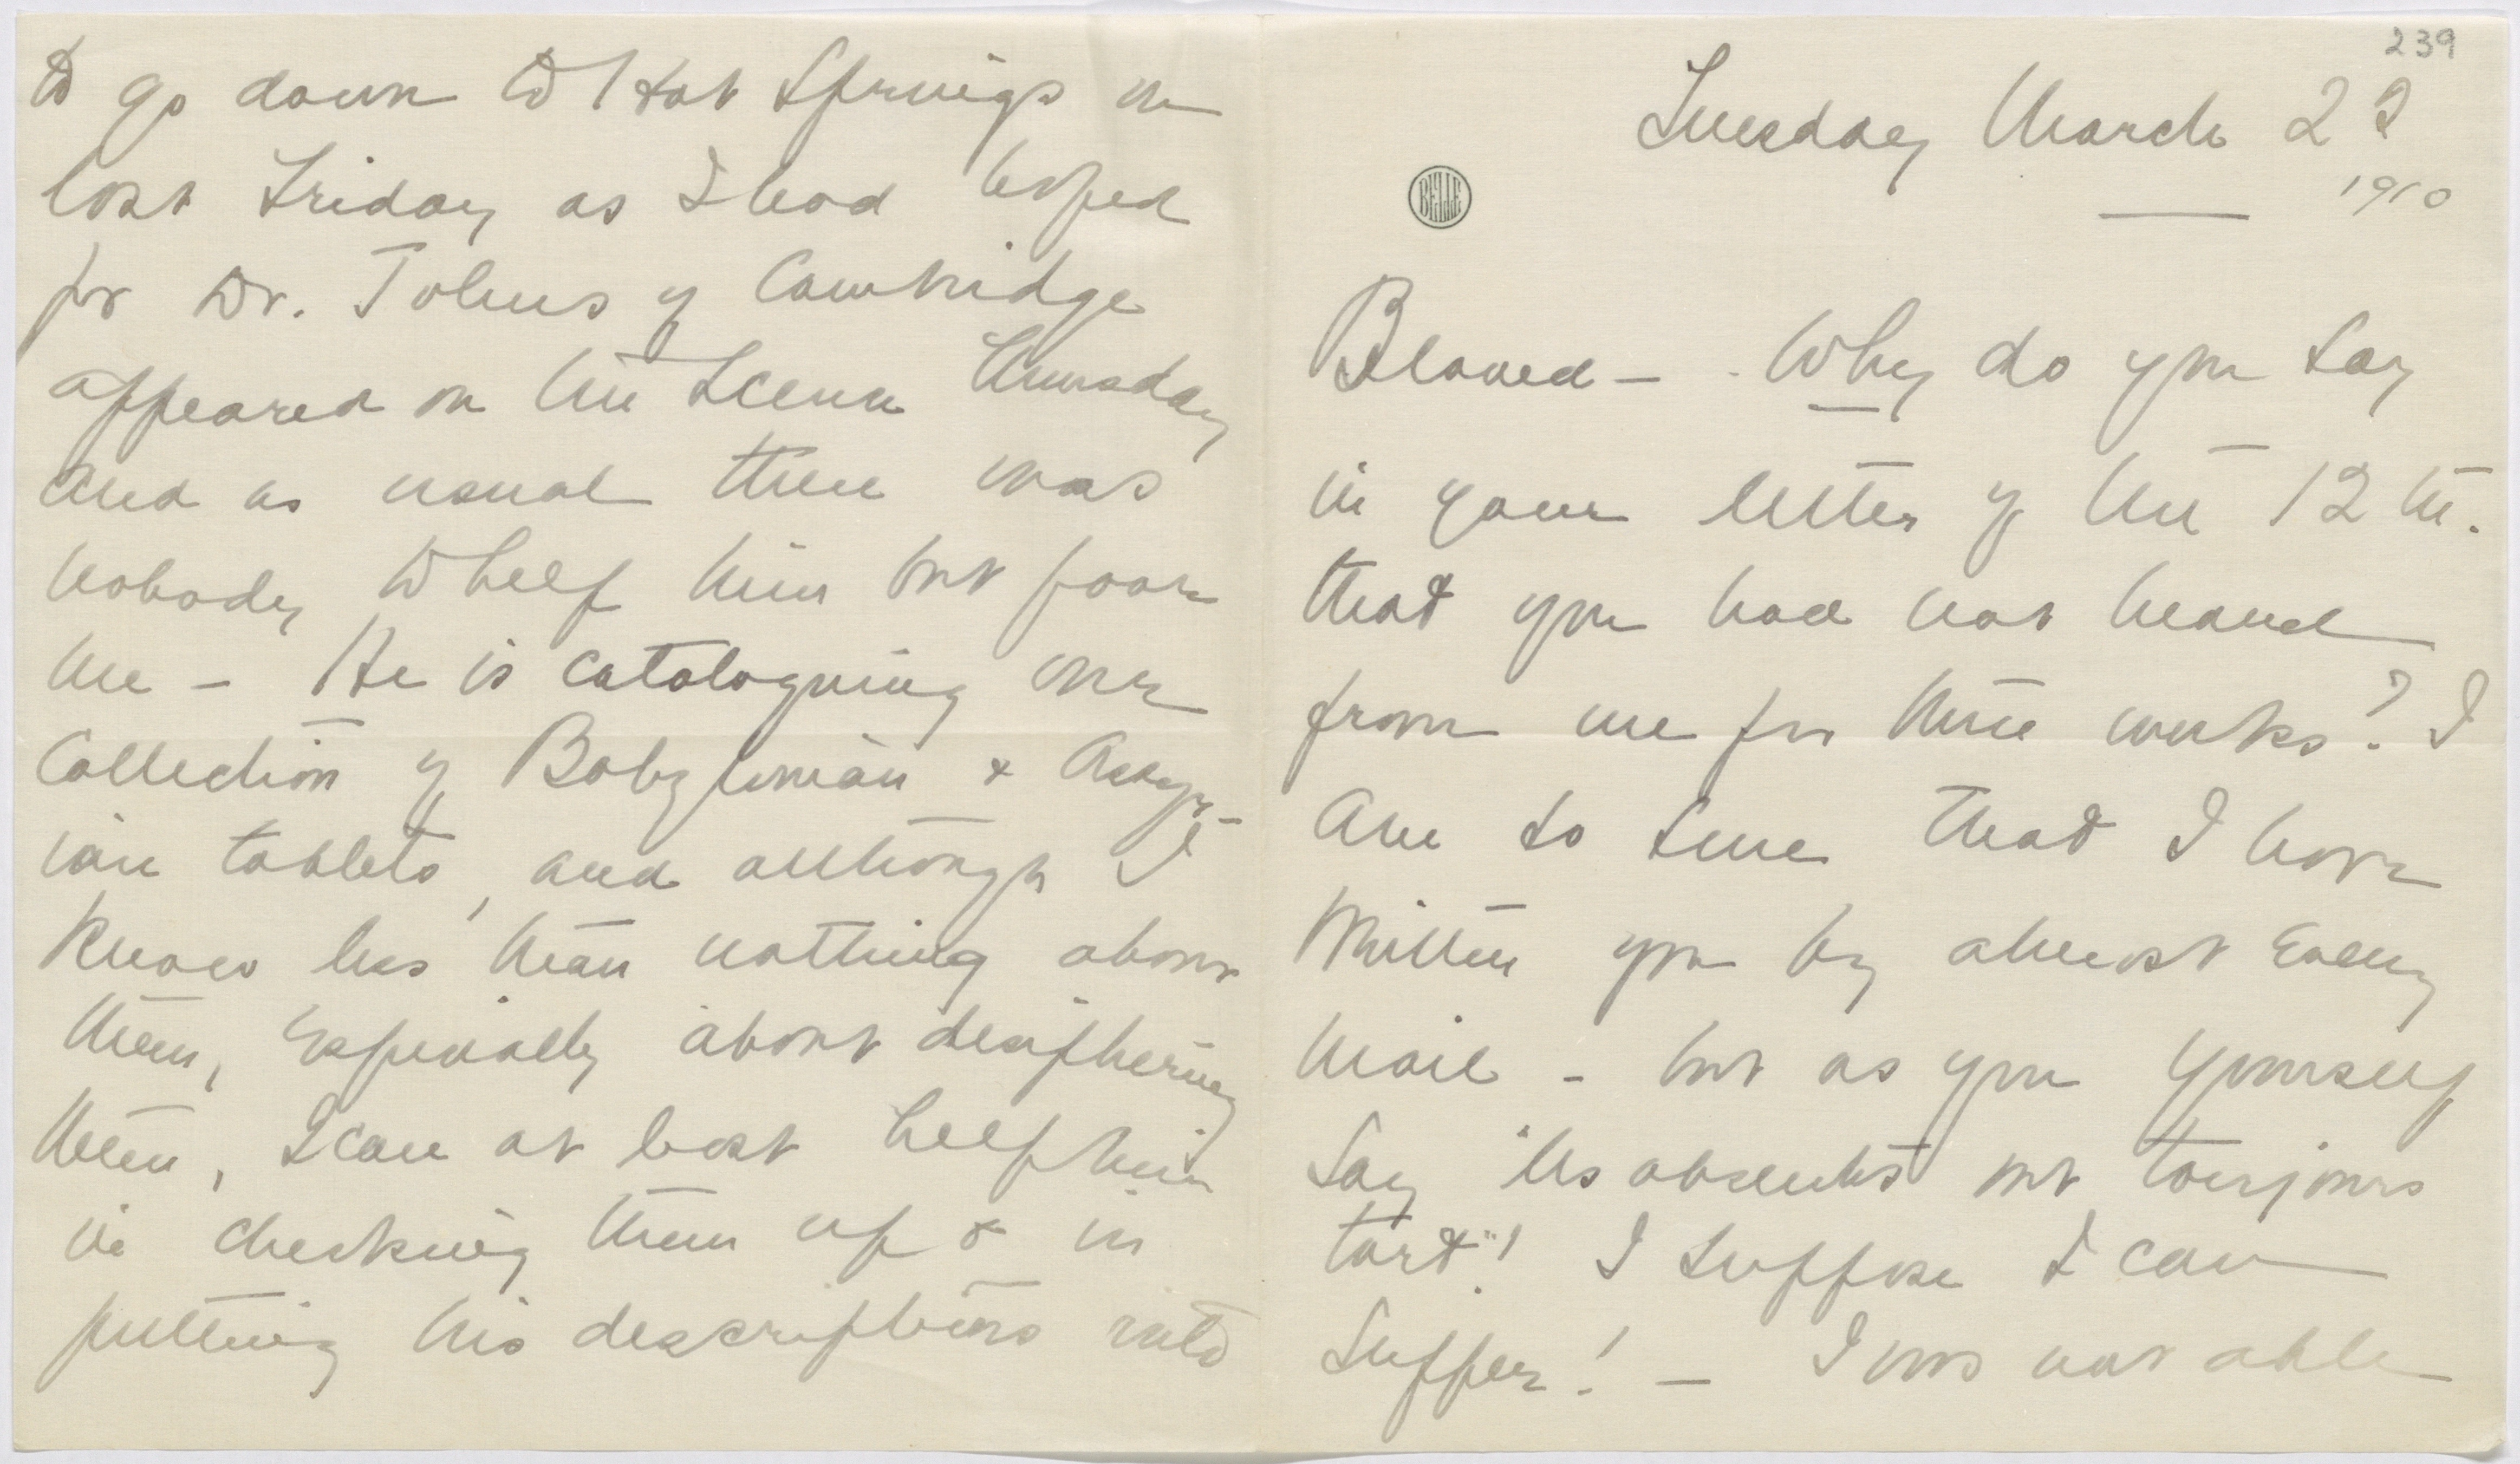Tuesday March 22
Beloved – why do you say in your letter of the 12th. that you had not heard from me for three weeks? I am so sure that I have written you by almost every mail – but as you yourself say “les absentes ont toujours tort”! I suppose I can suffer! – I was not able
to go down to Hot Springs on last Friday as I had hoped for Dr. Johns of Cambridge appeared on the scene Thursday and as usual there was nobody to help him but poor me – He is cataloguing our collection of Babylonian & Assyrian tablets, and although I know less than nothing about them, especially about desiphering [sic] them, I can at least help him in checking them up & in putting his descriptions into